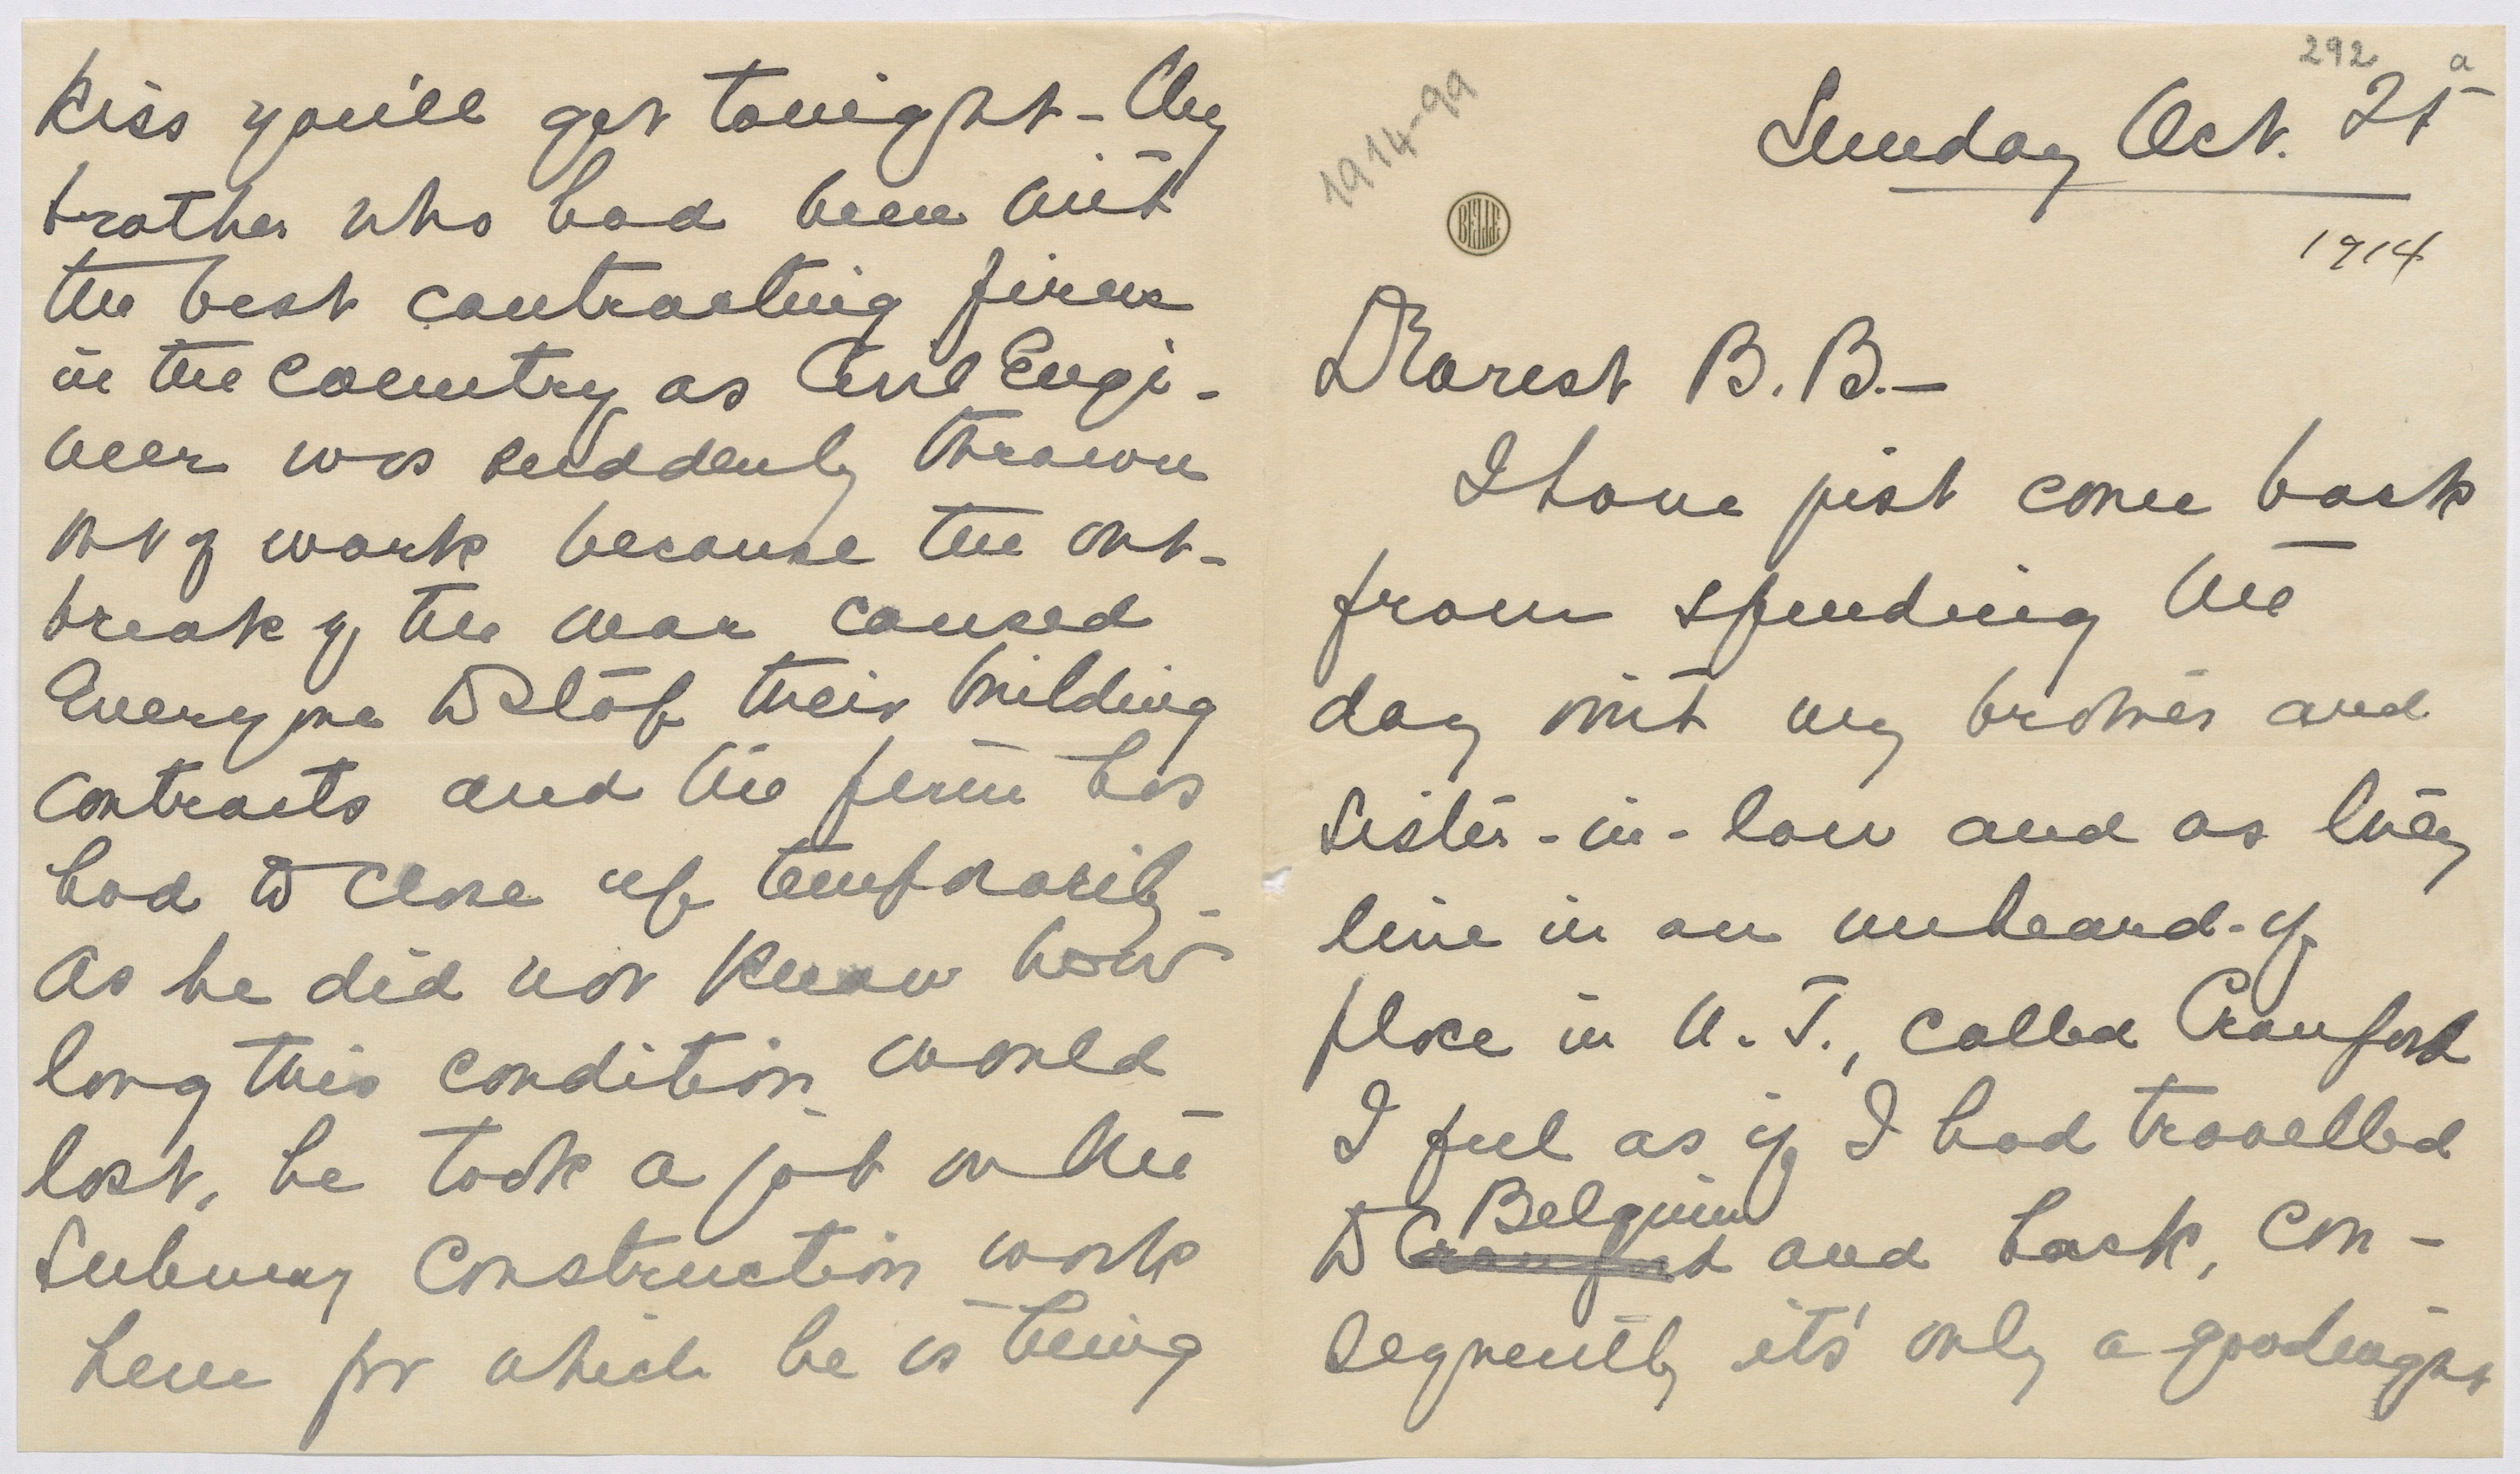Sunday Oct. 21
Dearest B.B. –
I have just come back from spending the day with my brother and sister-in-law and as they live in an unheard-of place in N.J., called Cranford I feel as if I had travelled to Cranford [^Belgium^] and back, consequently it’s only a goodnight
kiss you’ll get tonight – My brother who had been with the best contracting firms in the country as Civil Engineer was evidently thrown out of work because the outbreak of the war caused everyone to stop their building contracts and the firm has had to close up temporarily – As he did not know how long this condition would last, he took a job on the Subway Construction work here for which he is being